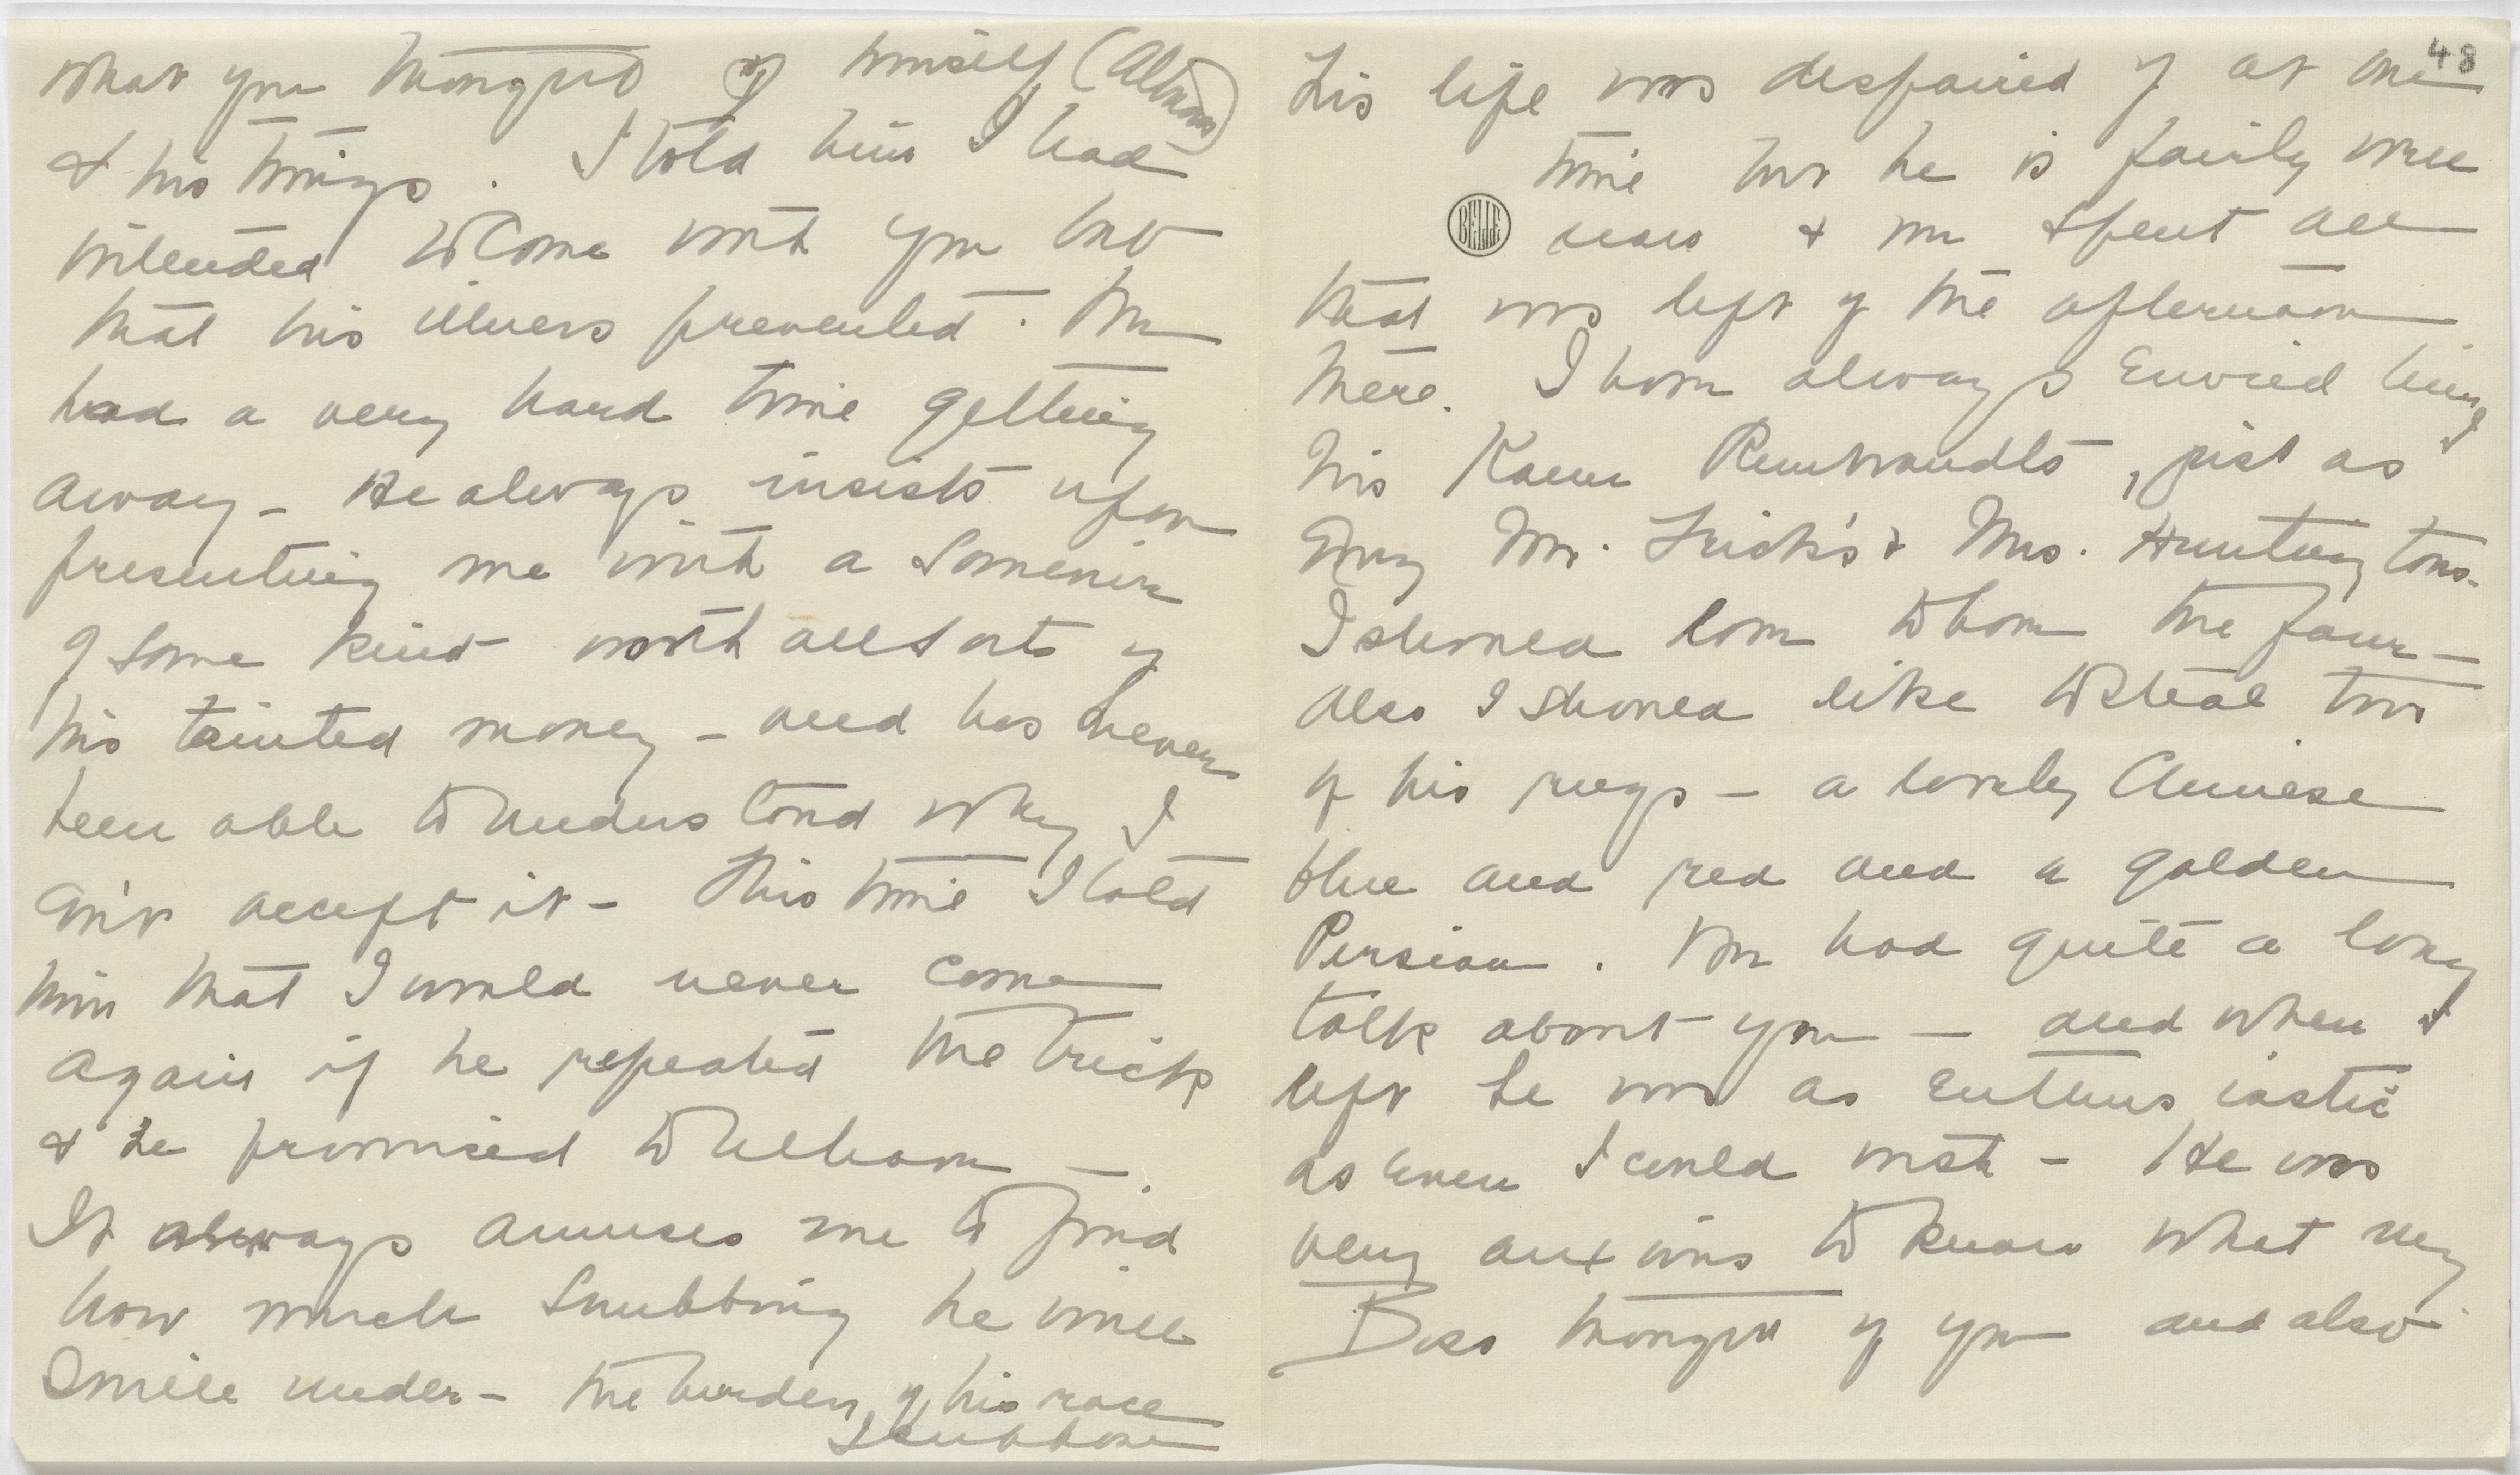his life was despaired of at one time but he is fairly well now & we spent all that was left of the afternoon there. I have always envied him his Kann Rembrandts, just as I envy Mr. Frick’s & Mrs. Huntingtons – I should love to have the four – Also I should like to steal two of his rugs – a lovely Chinese blue and red and a golden Persian. We had quite a long talk about you – and when I left he was as enthusiastic as even I could wish – He was very anxious to know what my Boss thought of you and also
what you thought of himself (Altman) & his things. I told him I had intended to come with you but that his illness prevented. We had a very hard time getting away – He always insists upon presenting me with a souvenir of some – kind worth all sorts of his tainted money – and has never been able to understand why I can’t accept it – This time I told him that I would never come again if he repeated the trick & he promised to behave – It always amuses me to find how much snubbing he will smile under – the burden of his race I suppose